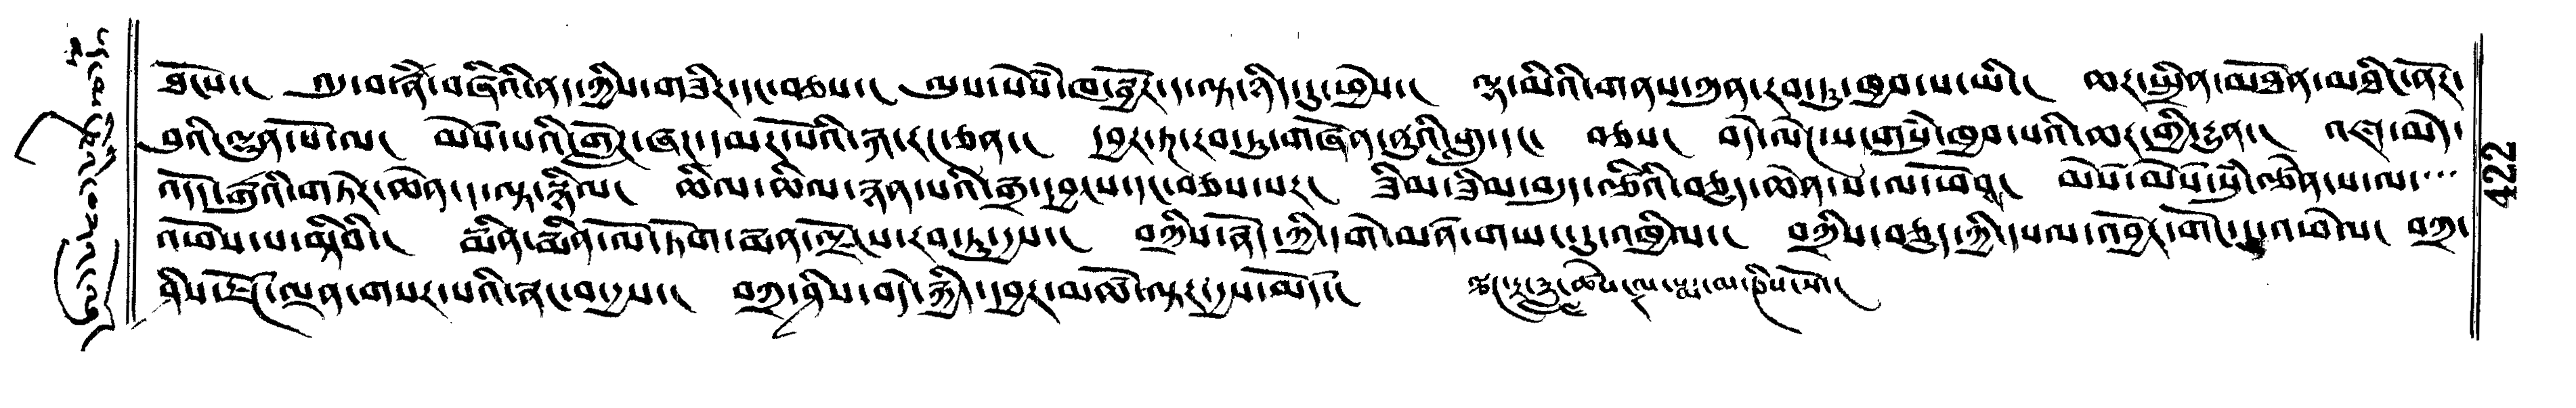ཐོངས། །འདུ་བ་རྣམ་བཞིའི་ནད་ཀྱིས་གཟིར་དང་བཅས། །ལུས་སེམས་ཁ་སྦྱོར་ད་ལྟ་ཉིད་དུ་ཕྱེས། །ལྷ་མིའི་གནས་ཀུན་རབ་ཏུ་ཁྱབ་པ་ཡི། །ཆར་སྤྲིན་མཐོན་མཐིང་ནོར་
བུའི་ལྷུན་པོ་ལ། །མཛེས་པའི་གློག་ཞགས་དམར་པོའི་སྐ་རགས་ཅན། །དབྱར་རྔ་རབ་ཏུ་གཞོན་ནུའི་གླུ་དང་བཅས། །བདེ་ལེགས་ས་གསུམ་ཁྱབ་པའི་ཆར་གྱི་རྒྱུན། །འཛད་མེད་
འདོད་རྒུའི་གཏེར་ཆེན་ད་ལྟ་སྙིལ། །ཆིལ་ཆིལ་སྙན་པའི་སྒྲ་དབྱངས་དང་བཅས་པར། །ཟིམ་ཟིམ་བདུད་རྩིའི་བཅུད་ཆེན་སོ་ལ་ཕོབས།མཛེས་མཛེས་སུམ་རྩེན་ས་ལ་
འཕོས་པ་ལྟའི། །སྨིན་སྨིན་ལོ་ཏོག་སྨན་ལྗོངས་རབ་ཏུ་རྒྱས། །བཀྲ་ཤིས་སྣོད་ཀྱི་དགེ་མཚན་གཡང་དུ་འཁྱིལ། །བཀྲ་ཤིས་བཅུད་ཀྱི་དཔལ་འབྱོར་གོང་དུ་འཕེལ། །བཀྲ་
ཤིས་རྫོགས་ལྡན་གསར་པའི་སྣང་བ་རྒྱས། །བཀྲ་ཤིས་བདེ་སྐྱིད་དབྱར་མཚོ་ལྟར་རྒྱས་མཛོད། ལྕགས་རྟ་ཟླ་བཞི་ཚེས་བརྒྱད་ལ་པདྨ་མ་ཎིས་སོ།། དགེའོ།།